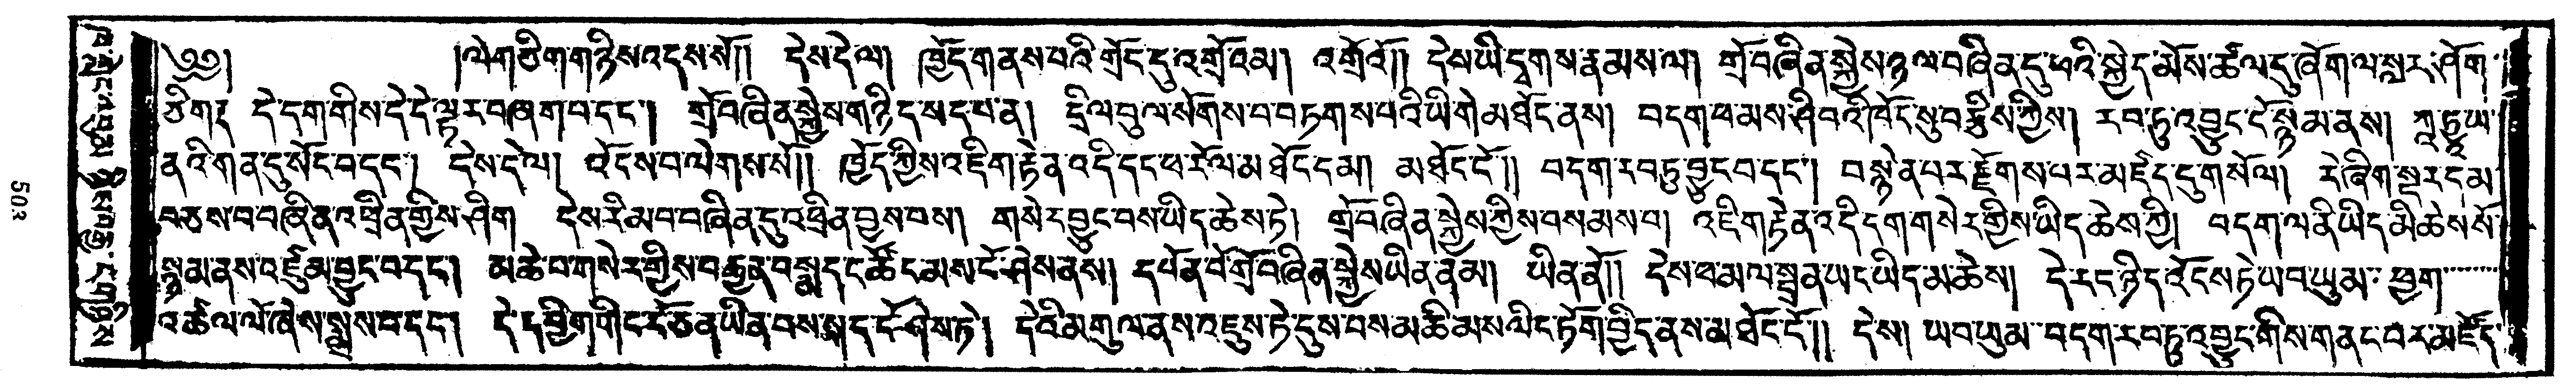༄༅། །ལེ་གཅིག་གཉིས་འདས་སོ།། དེས་དེ་ལ། ཁྱོད་གནས་པའི་གྲོང་དུ་འགྲོའམ། འགྲོའོ།། དེས་ཡི་དྭགས་རྣམས་ལ། གྲོ་བཞིན་སྐྱེས་ཉལ་བཞིན་དུ་ཕའི་སྐྱེད་མོས་ཚལ་དུ་ཞོག་ལ་སླར་ཤོག་
ཅིག༑ དེ་དག་གིས་དེ་དེ་ལྟར་བཞག་པ་དང་། གྲོ་བཞིན་སྐྱེས་གཉིད་སད་པ་ན། དྲིལ་བུ་ལ་སོགས་བ་བཏགས་པའི་ཡི་གེ་མཐོང་ནས། བདག་ཕ་མས་ཤི་བའི་ཁོང་སུ་བརྩིས་ཀྱིས། རབ་ཏུ་འབྱུང་ངོ་སྙམ་ནས། ཀཱ་ཏྱཱ་ཡ་
ནའི་གན་དུ་སོང་བ་དང་། དེས་དེ་ལ། འོངས་བ་ལེགས་སོ།། ཁྱོད་ཀྱིས་འཇིག་རྟེན་འདི་དང་ཕ་རོལ་མཐོང་ངམ། མཐོང་ངོ།། བདག་རབ་ཏུ་བྱུང་བ་དང་། བསྙེན་པར་རྫོགས་པར་མཛད་དུ་གསོལ། རེ་ཞིག་སྔར་དམ་
བཅས་བ་བཞིན་འཕྲིན་གྱིས་ཤིག །དེས་རིམ་བ་བཞིན་དུ་འཕྲིན་བྱས་པས། གསེར་བྱུང་བས་ཡིད་ཆེས་ཏེ། གྲོ་བཞིན་སྐྱེས་ཀྱིས་བསམས་པ། འཇིག་རྟེན་འདི་དག་གསེར་གྱིས་ཡིད་ཆེས་ཀྱི། བདག་ལ་ནི་ཡིད་མི་ཆེས་སོ་
སྙམ་ནས་འཛུམ་བྱུང་བ་དང་། མཆེ་བ་གསེར་གྱིས་བརྒྱན་བ་སྨད་ང་ཚོང་མས་ངོ་ཤེས་ནས། དཔོན་པོ་གྲོ་བཞིན་སྐྱེས་ཡིན་ནམ། ཡིན་ནོ།། དེས་ཕ་མ་ལ་སྦྲན་ཡང་ཡིད་མ་ཆེས། དེ་རང་ཉིད་འོངས་ཏེ་ཡབ་ཡུམ་ཕྱག་
འཚལ་ལོ་ཞེས་སྨྲས་པ་དང་། དེ་དབྱིག་གིང་རོ་ཅན་ཡིན་པས་སྐད་དོ་ཤེས་ཏེ། དེའི་མགུལ་ནས་འཇུས་ཏེ་དུས་བས་མཆི་མས་ལིང་ཏོག་བྱིད་ནས་མཐོང་ངོ།། དེས། ཡབ་ཡུམ་བདག་རབ་ཏུ་འབྱུང་གིས་གནང་བར་མཛོད་